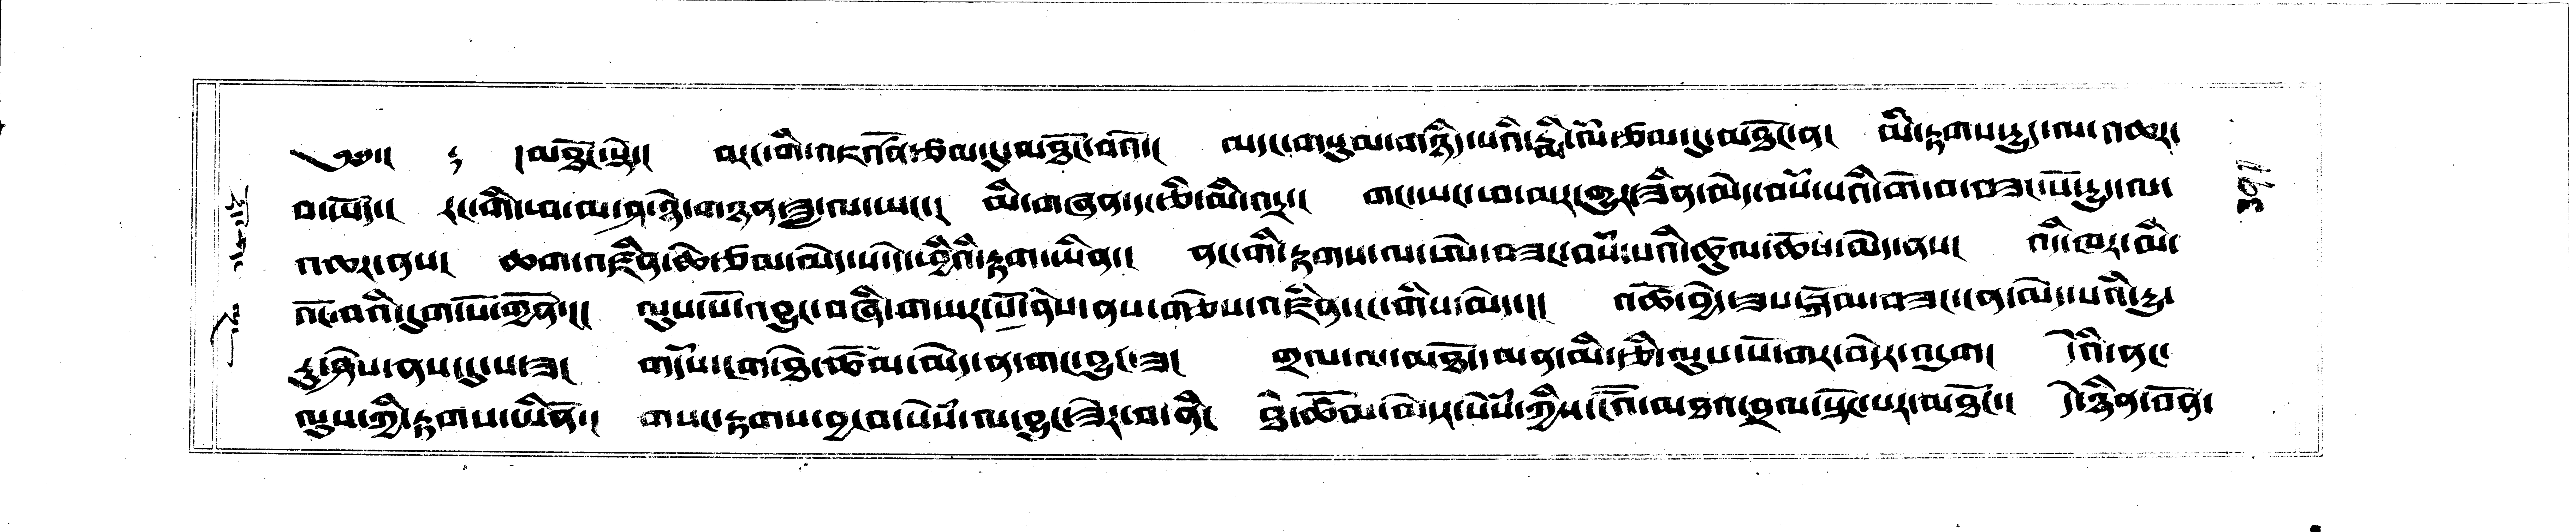མཐོང་སྟེ། བར་སྣང་གིས་གཞའ་ཚོན་ཙམ་དུ་མཐོང་བའམ། མདང་གསུམ་གཉིད་པའི་རྨི་ལམ་ཙམ་དུ་མཐོང་ནས། མི་རྟག་པ་རྒྱུད་ལ་འཆར་
བ་ཡོད། རང་གིས་ཕ་མ་ཤ་ཉེ་གཉན་ཟླ་རོག་ལ་ཡང་། མིང་༼མི༽གཞན་དང་ཅི་མི་འདྲ། གང་ཡང་ཕ་མར་མ་གྱུར་ཟིན་མེད་བསམ་པའི་གོ་བ་བཟང་པོར་རྒྱུད་ལ་
འཆར་བ་ཡོད། ཆགས་ཞེན་ཆེར་ཙམ་མེད་པར་དེ་ཕྱིའི་རྟགས་ཡིན། ནང་གིས་རྟགས་ལ། ཨེ་བཟང་བསམ་པའི་ཚུལ་ཆོས་མེད་ནས། ཡིད་ཁར་མི་
འོང་པའི་དུག་པོ་གྱོན། ལུས་པོ་ཡོང་འབྱུང་བཞིའི་གཡར་པོར་ཤེས་ནས། གཅེས་འཛིན་ངང་གིེས་མེད། འཚོ་བྱེད་ཟས་སྐོམ་བཟང་ངན་མེད་པ་ཟག་པའི་རྒྱུ་
རུ་ཤེས་ནས། བདམ་ག་ཆེར་ཙམ་མེད་ནས་གང་བྱུང་ཟ། དྲལ་༼གྲལ༽ལ་མཐོ་དམེན་མི་རྩི་ལུས་པོ་གར་བདེར་འདུག དེ་ནི་ནང་
ལུས་ཀྱི་རྟགས་ཡིན་ནོ། གསང་རྟགས་བྱང་ཆུབ་སེམས་ལས་འབྱུང་ཟེར་བ་ནི། ཐེ་ཚོམ་མེད་པར་སེམས་ཀྱིས་ངོའོ་མཐའ་བྲལ་སྟོང་པར་མཐོང་། དེ་ཉིད་བོན་